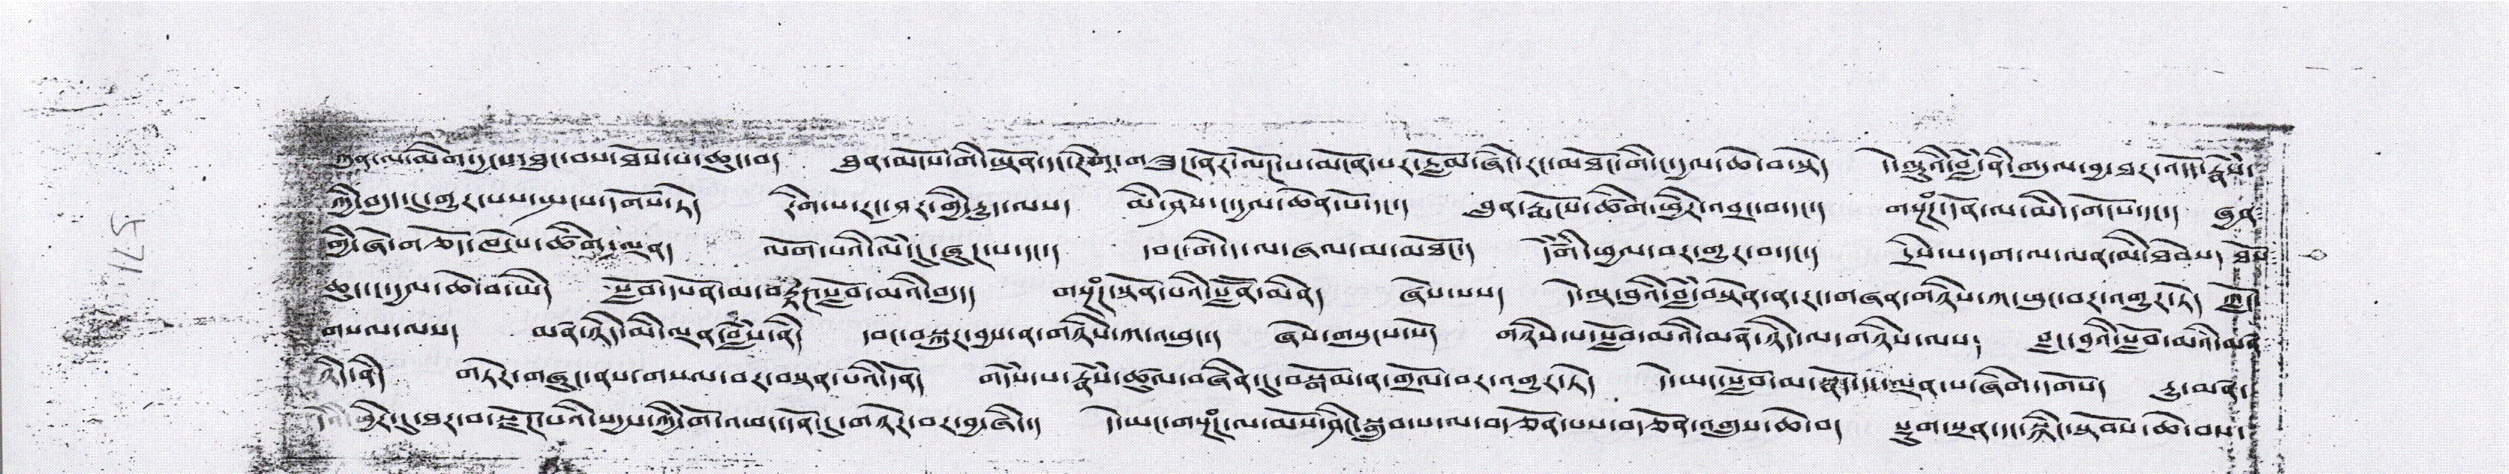ཀུན་ལ་མིག་རྒྱང་ཐུང་བས་ཐོས་པ་ཆུང་བ། ཐུན་མོང་གི་ཡོན་ཏན་དང་རིགས་གཟུགས་ནོར་ལ་སོགས་ལ་མངོན་པར་རློམ་ཞིང་རང་མཐོང་གི་ང་རྒྱལ་ཆེ་བ་སྟེ། དེ་ལྟ་བུའི་བླ་མ་ནི་གདུལ་བྱ་ཐར་འདོད་རྣམས་
ཀྱི་བདུད་དུ་གྱུར་པས་སྤང་དགོས་ཏེ། རིག་པ་རང་ཤར་གྱི་རྒྱུད་ལས། མི་ཤེས་ང་རྒྱལ་ཆེན་པོ་དང་། །བླུན་རྨོངས་ཚིག་ཕྱིར་འབྲང་བ་དང་། །གསང་སྔགས་དོན་ལ་མི་དགོངས་དང་། །གཞན་
གྱི་ཞེ་གཅོད་ཁེངས་ཚིག་ལྡན། །ལོག་པའི་ལམ་དུ་ཞུགས་པ་དང་། །དབང་གི་ད་ལ་ཞལ་མ་མཐོང་། །དམ་ཚིག་ཕྱལ་བར་གྱུར་པ་དང་། །དྲིས་པ་དག་ལ་ལན་མི་ཐེབས། །ཐོས་
ཆུང་ང་རྒྱལ་ཆེ་བ་ཡི། །སློབ་དཔོན་མ་བརྟགས་སློབ་མའི་བདུད། །གསང་སྔགས་སྟོན་པའི་སློབ་དཔོན་ཡིན། །ཞེས་པས། དེ་ལྟ་བུའི་བླ་མ་བསྟེན་ན་རང་གཞན་གཉིས་ཀ་ཕུང་བར་འགྱུར་ཏེ། ཀློང་
གསལ་ལས། མཚན་ཉིད་མི་ལྡན་བླ་མ་ནི། དབང་བསྐུར་བྱས་ན་གཉིས་ཀ་ཕུང་། །ཞེས་གསུངས་སོ། །གཉིས་པ་སློབ་མའི་མཚན་ཉིད་ལ་གཉིས་ལས། བླང་བྱའི་སློབ་མའི་མཚན་
ཉིད་ནི། གཏེར་གཞུང་ནས་གསལ་བར་བསྟན་པའི་དོན། གདམས་པ་རྣམས་ཚུལ་བཞིན་དུ་བསྒོམས་ན་གྲོལ་བར་འགྱུར་ཏེ། དེ་ཡང་སློབ་མ་སྣོད་དང་ལྡན་པ་ཞིག་དགོས། རྒྱུ་མཚན་
དེའི་ཕྱིར་དུ་ཐར་པ་རྫོགས་པའི་སངས་རྒྱས་ཀྱི་གོ་འཕང་མངོན་དུ་གཉེར་བར་བྱ་ཞིང་། དེ་ཡང་གསང་སྔགས་ལ་མོས་ཤིང་སྒྲུབ་པ་ལ་བརྩོན་པས་བརྩོན་འགྲུས་ཆེ་བ། སྡུག་བསྲན་དང་སྙིང་སྟོབས་ཆེ་བས་